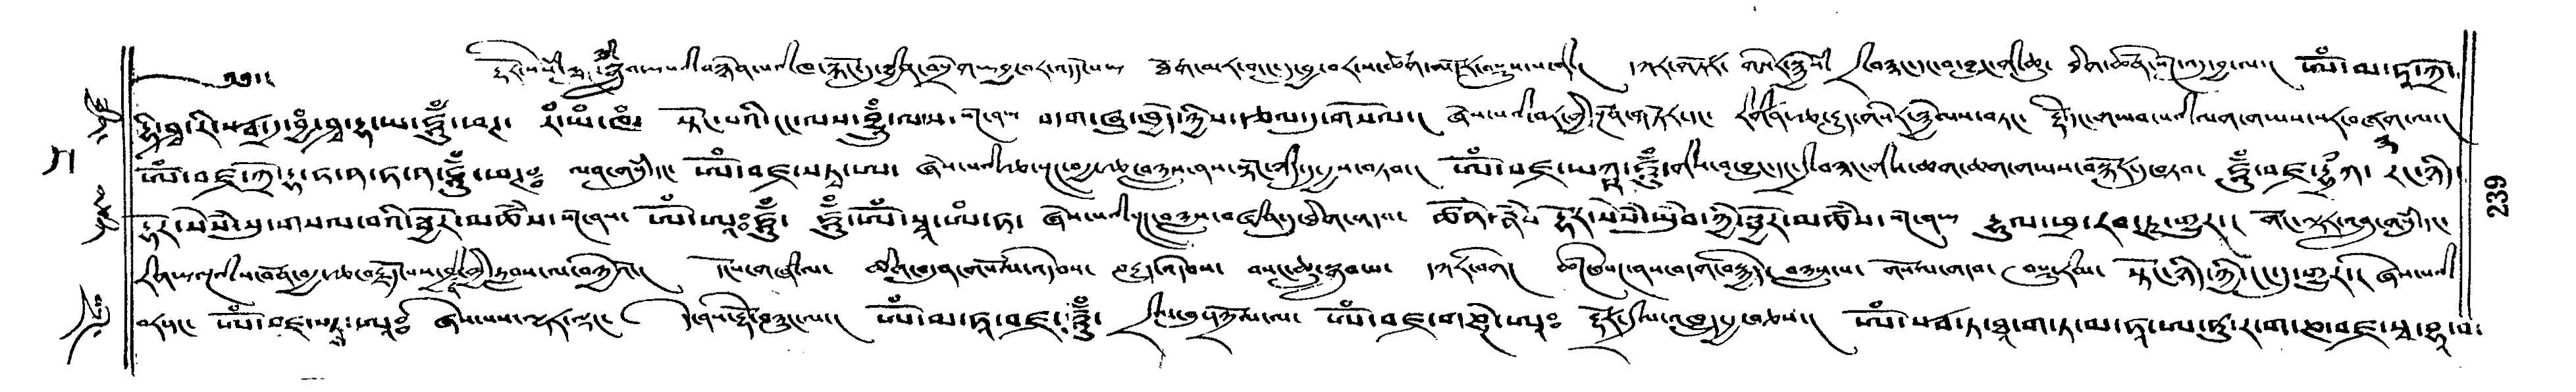༄༅། རྡོར་སེམས་ཐུགས་ཀྱི་སྒྲུབ་པའི་སྙེན་པའི་ཁ་སྐོང་དུ་སྦྱིན་སྲེག་བྱ་བར་འདོད་པས། ཐོག་མར་གང་དུ་བྱ་བར་ས་མཆོག་མདོར་བསྡུས་པ་ནི། དཀར་གཏོར། གསེར་སྐྱེམས། དྲི་བཟང་དང་བ་བྱུང་གི་ཆུ། ཐིག་ཚོན་སོགས་འདུ་བྱས་ལ། ཨོཾ་མ་ཧཱ་ཀྲོ་
དྷི་ཤྭ་རི་སརྦ་དྲ་བྱཾ་ཤྭ་དྷ་ཡ་ཧཱུྃ་ཕཊ། རྃ་ཡྃ་ཁྃ། སྟོང་པའི་ངང་ལས་བྷྲུྃ་ལས༴ སོགས་ནས། བདག་ཞུ་ཁྱེད་ཀྱིས་བསྩོལ་དུ་གསོལ། ཞེས་པའི་བར་གྱིས་སྔོན་གཏོར་དང་། རིག་འཛིན་རྩ་རྒྱུད་སེར་སྐྱེམས་གཏང་། རྡོ་རྗེ་ལག་གཡས་པར་བཞག་ལ། 
ཨོཾ་བཛྲ་ཀྲོ་དྷ་ཧ་ན་ཧ་ན་ཧཱུྃ་ཕཊ། ལན་གསུམ་དང་། ཨོཾ་བཛྲ་ས་ཏྭ་ཨ། ཞེས་པའི་རྩ་སྔགས་བརྒྱ་རྩ་བཟླས་ནས་སྟོང་ཉིད་དུ་རྒྱས་གདབ། ཨོཾ་བཛྲ་ཡཀྵ་ཧཱུྃ་གིས་བ་བྱུང་དང་དྲི་བཟང་གིས་ཆག་ཆག་གཡས་བསྐོར་དུ་གདབ། ཧཱུྃ་བཛྲ་དྷྲྀཀ རང་ཉིད་
རྡོར་སེམས་སུ་གསལ་བའི་སྦྱོར་མཚམས་སོགས་ནས། ཨོཾ་ཨཱཿཧཱུྃ། ཧཱུྃ་ཨོཾ་སྭ་ཨཾ་ཧ། ཞེས་པའི་སྔགས་ཟློ་བཞིན་དུ་ཐིག་གདབ། ཚོན་རྣམས་རྡོར་སེམས་ཡབ་ཡུམ་གྱི་སྦྱོར་མཚམས༴ སོགས་ནས། རྡུལ་ཕྲ་རབ་ཏུ་གྱུར། གོང་ལྟར་འབྲུ་གསུམ་དང་། 
རིགས་ལྔའི་ས་བོན་བརྒྱ་རྩ་བརྗོད་པས་བྱིན་གྱིས་བརླབས་ལ་བཀྱེའོ། དངོས་བཞི་ལ། ཚིག་བདུན་གསོལ་འདེབས། རྒྱུད་འདེབས། བསང་ཆུ་སྒྲུབ་པ། དཀར་བགེགས། ཚོགས་བསག་ནས་བདག་སྐྱེད། བཟླས་པ། གསོལ་གདབ། བསྡུ་རིམ། སྟོང་ཉིད་ཀྱི་ངང་དུ་གྱུར། ཞེས་པའི་
བར་དང་། ཨོཾ་བཛྲ་སཏྭ་ཨཱཿ ཞེས་པས་ལྷར་ལྡང་། དེ་ནས་རྡོ་རྗེ་བཟུང་ལ། ཨོཾ་མ་ཧཱ་བཛྲ་ཧཱུྃ། དྲིལ་བུ་དཀྲོལ་ལ། ཨོཾ་བཛྲ་གཎྜེ་ཨཱཿ རྡོར་དྲིལ་འཁྱུད་རྒྱ་བཅས། ཨོཾ་སརྦ་ཏ་ཐཱ་ག་ཏ་མ་ཧཱ་ཨ་ནུ་ར་ག་ཎ་བཛྲ་སྭ་བྷཱ་བ་